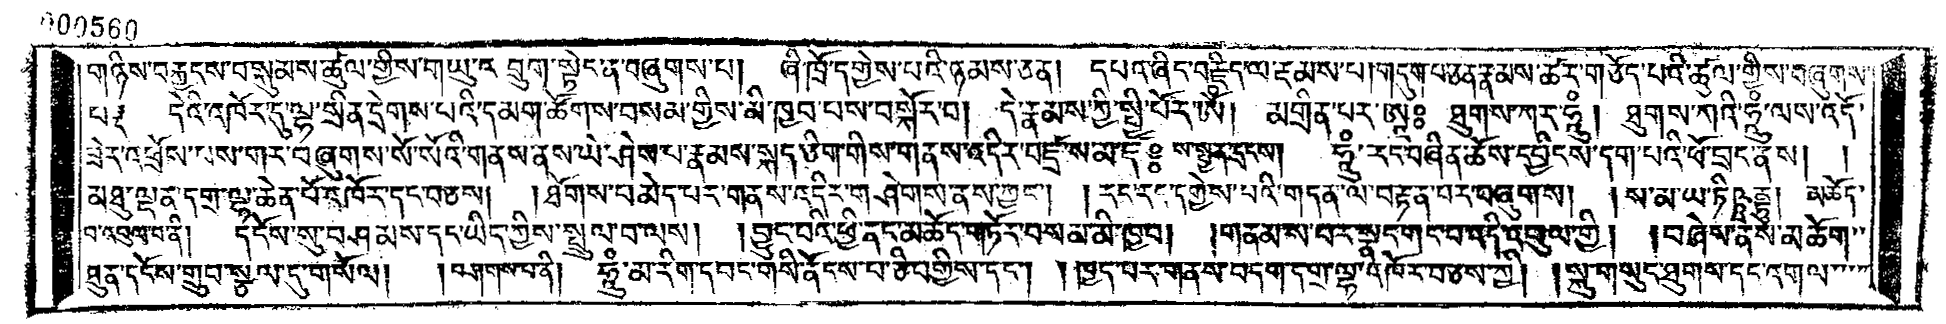གཉིས་བརྐྱངས་བསྐུམས་ཚུལ་གྱིས་གཡུ་འབྲུག་སྟེང་ན་བཞུགས་པ། ཞི་ཁྲོ་དགྱེས་པའི་ཉམས་ཅན། དཔའ་ཞིང་བརྗིད་ལ་རྔམས་པ། གདུག་པ་ཅན་རྣམས་ཚར་གཅོད་པའི་ཚུལ་གྱིས་བཞུགས་
པ། དེའི་འཁོར་དུ་ལྷ་སྲིན་དྲེགས་པའི་དམག་ཚོགས་བསམ་གྱིས་མི་ཁྱབ་པས་བསྐོར་བ། དེ་རྣམས་ཀྱི་སྤྱི་བོར་ཨོཾ། མགྲིན་པར་ཨཱཿ ཐུགས་ཀར་ཧཱུཾ། ཐུགས་ཀའི་ཧཱུཾ་ལས་འོད་
ཟེར་འཕྲོས་པས་གར་བཞུགས་སོ་སོའི་གནས་ནས་ཡེ་ཤེས་པ་རྣམས་སྐད་ཅིག་གིས་གནས་འདིར་བཛྲ་ས་མ་ཛཿ ས་སྤྱན་དྲངས།  ཧཱུཾ་རང་བཞིན་ཆོས་དབྱིངས་དག་པའི་ཕོ་བྲང་ནས། །
མཐུ་ལྡན་དགྲ་ལྷ་ཆེན་པོ་འཁོར་དང་བཅས། །ཐོགས་པ་མེད་པར་གནས་འདིར་གཤེགས་ནས་ཀྱང་། །རང་རང་དགྱེས་པའི་གདན་ལ་བརྟན་པར་བཞུགས། །ས་མ་ཡ་ཏི་ཥཊཿཨཱ་?་རྦྟུ། མཆོད་
པ་འབུལ་བ་ནི། དངོས་སུ་བཤམས་དང་ཡིད་ཀྱིས་སྤྲུལ་བ་ལས། །བྱུང་བའི་ཕྱི་ནང་མཆོད་གཏོར་བསམ་མི་ཁྱབ། །གནམ་ས་བར་སྣང་གང་བ་འདི་འབུལ་གྱི། །བཞེས་ནས་མཆོག་
ཐུན་དངོས་གྲུབ་སྩལ་དུ་གསོལ། ། བཤགས་པ་ནི།  ཧཱུཾ་མ་རིག་དབང་གིས་ནོངས་པ་ཅི་བགྱིས་དང་། །ཁྱད་པར་གནས་བདག་དགྲ་ལྷ་འཁོར་བཅས་ཀྱི། །སྐུ་གསུང་ཐུགས་དང་འགལ་